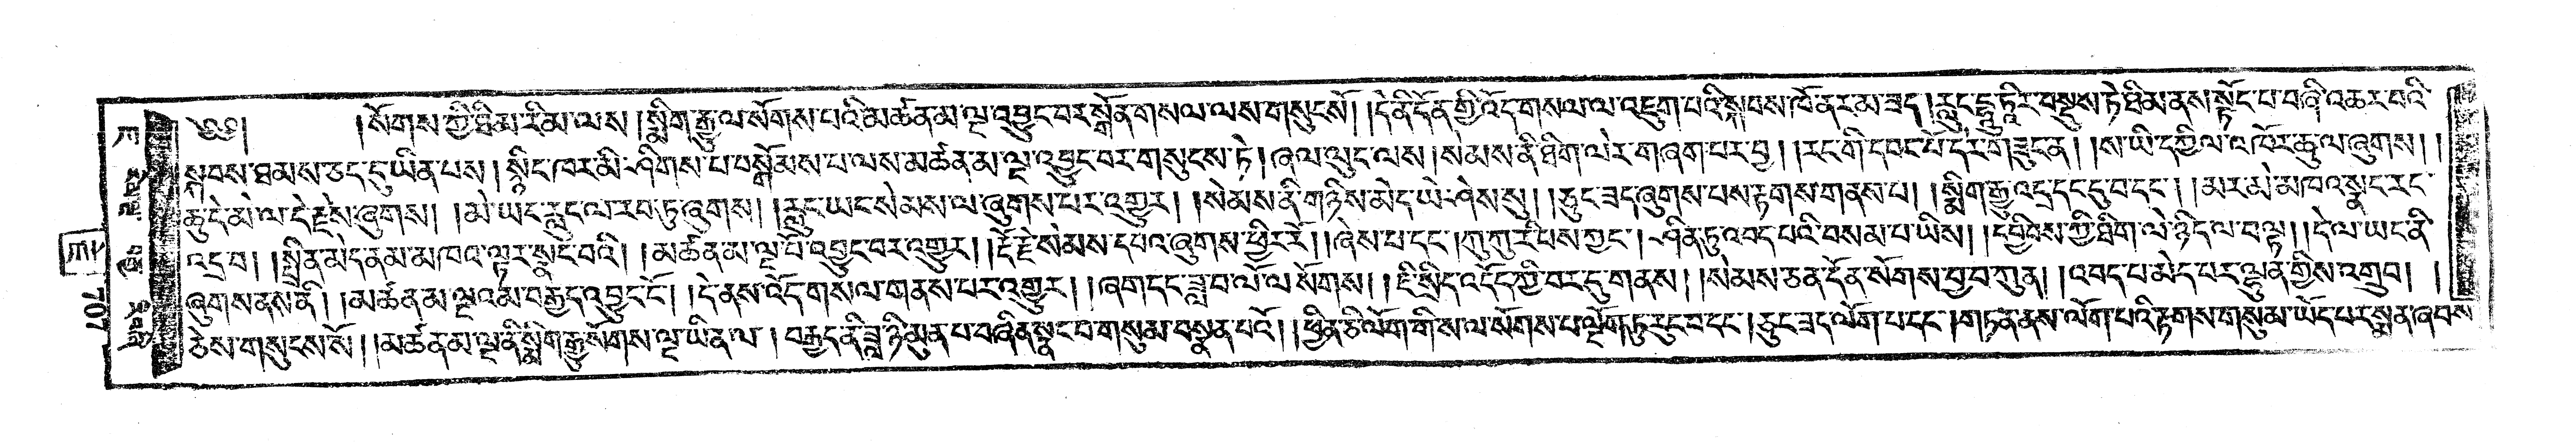༄༅། །སོགས་ཀྱི་ཐིམ་རིམ་ལས། སྨིག་རྒྱུ་ལ་སོགས་པའི་མཚན་མ་ལྔ་འབྱུང་བར་སྒྲོན་གསལ་ལས་གསུངས་སོ། །དེ་ནི་དོན་གྱི་འོད་གསལ་ལ་འཇུག་པའི་སྐབས་ཁོ་ནར་མ་ཟད། རླུང་དྷཱུ་ཏཱིར་བསྡུས་ཏེ་ཐིམ་ནས་སྟོང་པ་བཞི་འཆར་བའི་
སྐབས་ཐམས་ཅད་དུ་ཡིན་པས། སྙིང་ཁར་མི་ཤིགས་པ་བསྒོམས་པ་ལས་མཚན་མ་ལྔ་འབྱུང་བར་གསུངས་ཏེ། ཞལ་ལུང་ལས། སེམས་ནི་ཐིག་ལེར་གཞག་པར་བྱ། །རང་གི་དབང་པོ་དེར་གཟུང་ན། །ས་ཡི་དཀྱིལ་འཁོར་ཆུ་ལ་ཞུགས། །
ཆུ་དེ་མེ་ལ་དེ་རྗེས་ཞུགས། །མེ་ཡང་རླུང་ལ་རབ་ཏུ་ཞུགས། །རླུང་ཡང་སེམས་ལ་ཞུགས་པར་འགྱུར། །སེམས་ནི་གཉིས་མེད་ཡེ་ཤེས་སུ། །ཅུང་ཟད་ཞུགས་པས་རྟགས་གནས་པ། །སྨིག་རྒྱུ་འདྲ་དང་དུ་བ་དང་། །མར་མེ་མཁའ་སྣང་རང་
འདྲ་བ། །སྤྲིན་མེད་ནམ་མཁའ་ལྟར་སྣང་བའི། །མཚན་མ་ལྔ་པོ་འབྱུང་བར་འགྱུར། །རྡོ་རྗེ་སེམས་དཔའ་ཞུགས་ཕྱིར་རོ། །ཞེས་པ་དང་། ཀུ་ཀུ་རི་པས་ཀྱང་། ཤིན་ཏུ་འབད་པའི་བསམ་པ་ཡིས། །དབྱིབས་ཀྱི་ཐིག་ལེ་ཉིད་ལ་བལྟ། །དེ་ལ་ཡང་ནི་
ཞུགས་ནས་ནི། །མཚན་མ་ལྔའམ་བརྒྱད་འབྱུང་ངོ། །དེ་ནས་འོད་གསལ་གནས་པར་འགྱུར། །ཞག་དང་ཟླ་བ་ལོ་ལ་སོགས། །ཇི་སྲིད་འདོད་ཀྱི་བར་དུ་གནས། །སེམས་ཅན་དོན་སོགས་བྱ་བ་ཀུན། །འབད་པ་མེད་པར་ལྷུན་གྱིས་འགྲུབ། །
ཅེས་གསུངས་སོ། །མཚན་མ་ལྔ་ནི་སྨིག་རྒྱུ་སོགས་ལྔ་ཡིན་ལ། བརྒྱད་ནི་ཟླ་ཉི་མུན་པ་བཞིན་སྣང་བ་གསུམ་བསྣན་པའོ། །ཕྱིན་ཅི་ལོག་གི་ས་ལ་སོགས་པ་ལྡོག་ཏུ་རུང་བ་དང་། ཅུང་ཟད་ལོག་པ་དང་། གཏན་ནས་ལོག་པའི་རྟགས་གསུམ་ཡོད་པར་སྨན་ཞབས་